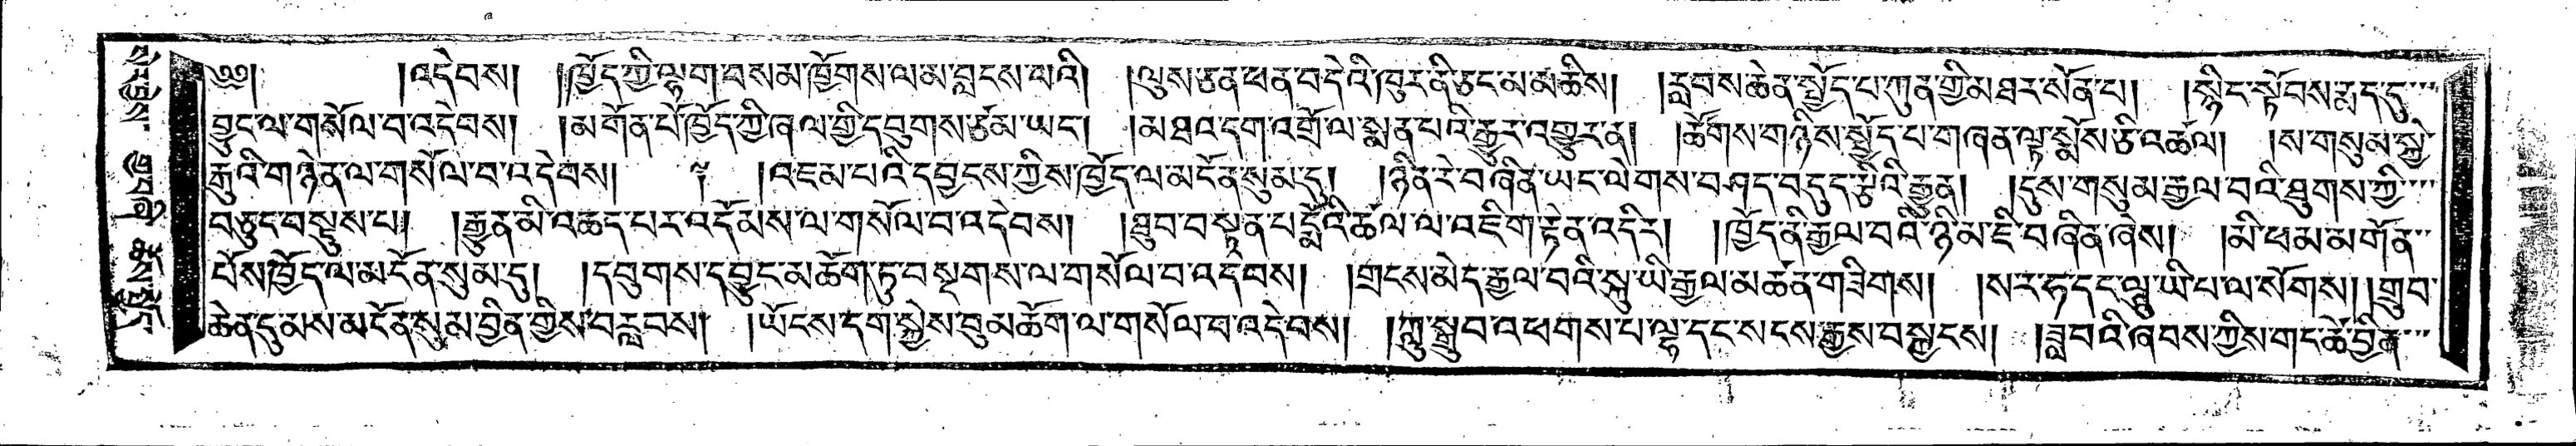༄༅། །འདེབས། །ཁྱོད་ཀྱི་ལྷག་བསམ་ཁྱོགས་ལ་མ་བླངས་པའི། །ལུས་ཅན་ཕན་བདེའི་ཁུར་ནི་ཅང་མ་མཆིས། །རླབས་ཆེན་སྤྱོད་པ་ཀུན་གྱི་མཐར་སོན་པ། །སྙིང་སྟོབས་རྨད་དུ་
བྱུང་ལ་གསོལ་བ་འདེབས། །མགོན་པོ་ཁྱོད་ཀྱི་ཞལ་གྱི་དབུགས་ཙམ་ཡང་། །མཐའ་དག་འགྲོ་ལ་སྨན་པའི་རྒྱུར་འགྱུར་ན། །ཚོགས་གཉིས་སྤྱོད་པ་གཞན་ལྟ་སྨོས་ཅི་འཚལ། །ས་གསུམ་སྐྱེ་
རྒུའི་གཉེན་ལ་གསོལ་བ་འདེབས། ༈ །འཇམ་པའི་དབྱངས་ཀྱིས་ཁྱོད་ལ་མངོན་སུམ་དུ། །ཉིན་རེ་བཞིན་ཡང་ལེགས་བཤད་བདུད་རྩིའི་རྒྱུན། །དུས་གསུམ་རྒྱལ་བའི་ཐུགས་ཀྱི་
བཅུང་བསྡུས་པ། །རྒྱུན་མི་འཆད་པར་འདོམས་ལ་གསོལ་བ་འདེབས། །ཐུབ་བསྟན་པདམོའི་ཚལ་ལ་འཇིག་རྟེན་འདིར། །ཁྱོད་ནི་རྒྱལ་བའི་ཉི་མ་ཇི་བཞིན་ཞེས། །མི་ཕམ་མགོན་
པོས་ཁྱོད་ལ་མངོན་སུམ་དུ། །དབུགས་དབྱུང་མཆོག་ཏུ་བསྔགས་ལ་གསོལ་བ་འདེབས། །གྲངས་མེད་རྒྱལ་བའི་སྐུ་ཡི་རྒྱལ་མཚན་གཟིགས། །ས་ར་ཧ་དང་ལཱུ་ཡི་པ་ལ་སོགས། །གྲུབ་
ཆེན་དུ་མས་མངོན་སུམ་བྱིན་གྱིས་བརླབས། །ཡོངས་དག་སྐྱེས་བུ་མཆོག་ལ་གསོལ་བ་འདེབས། །ཀླུ་སྒྲུབ་འཕགས་པ་ལྷ་དང་སངས་རྒྱས་བསྐྱངས། །ཟླ་བའི་ཞབས་ཀྱིས་གང་ཚེ་བྱིན་